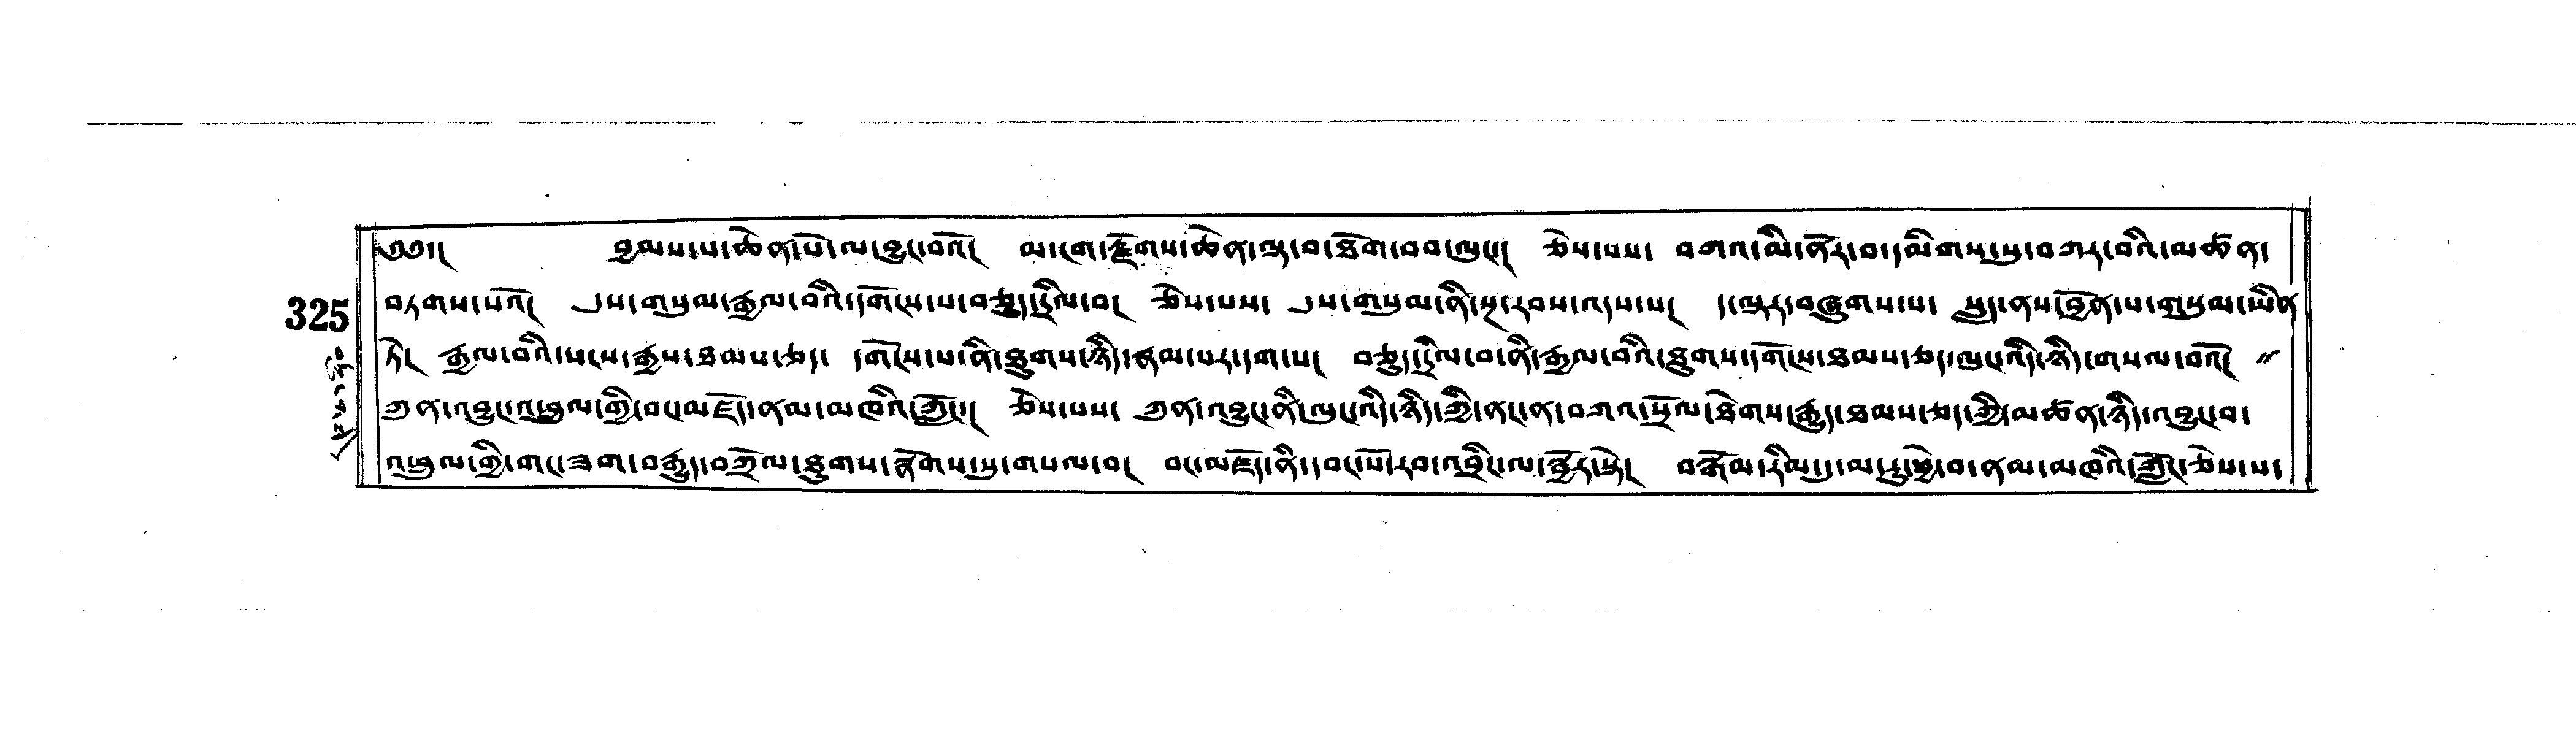བྱམས་པ་ཆེན་པོ་ལ་བྱུང་བའོ། མ་ངག་རྫོགས་ཆེན་ལྟ་བ་ཐོག་དབབ་ལུང་། ཅེས་པས། བཀའ་མི་ནོར་བ་དམིགས་སུ་བཀར་བའི་མཚན་
བཏགས་པའོ། དུས་གསུམ་རྒྱལ་བའི་དགོངས་པ་བཅུད་དྲིལ་བ། དུས་གསུམ་ནི་སྔ་རབས་འདས་པ། ད་ལྟར་བཞུགས་པ། སླད་ནས་བྱོན་པ་གསུམ་ཡིན་
ཏེ། རྒྱལ་བའི་སངས་རྒྱས་ཐམས་ཅད་དགོངས་པ་ནི་ཐུགས་ཉིད་རྣམ་པར་དག་པ། བཅུད་དྲིལ་བ་ནི་རྒྱལ་བའི་ཐུགས་དགོངས་ཐམས་ཅད་ལུང་འདི་ཉིད་གསལ་བའོ། 
ཀུན་འབྱུང་འཕྲུལ་གྱི་བང་མཛོད་ནམ་མཁའི་ཀློང་། ཅེས་པས། ཀུན་འབྱུང་ནི་ལུང་འདི་ཉིད་ཀྱི་ཀློང་ན་བཀའ་སྲོལ་ཐེག་རྒྱུད་ཐམས་ཅད་ཀྱི་མཚན་ཉིད་འབྱུང་བ་
འཕྲུལ་གྱི་གང་ཟག་བརྒྱུད་བཀྲོལ་ཐུགས་སྣ་ཚོགས་སུ་གསལ་བ། བང་མཛོད་ནི་དབང་པོ་རབ་འབྲིང་ལ་སྦྱོར་ཏེ། སྒོམ་རིམ་དུ་མ་རུ་ཕྱེ་བ་ནམ་མཁའི་ཀློང་། ཅེས་པ་